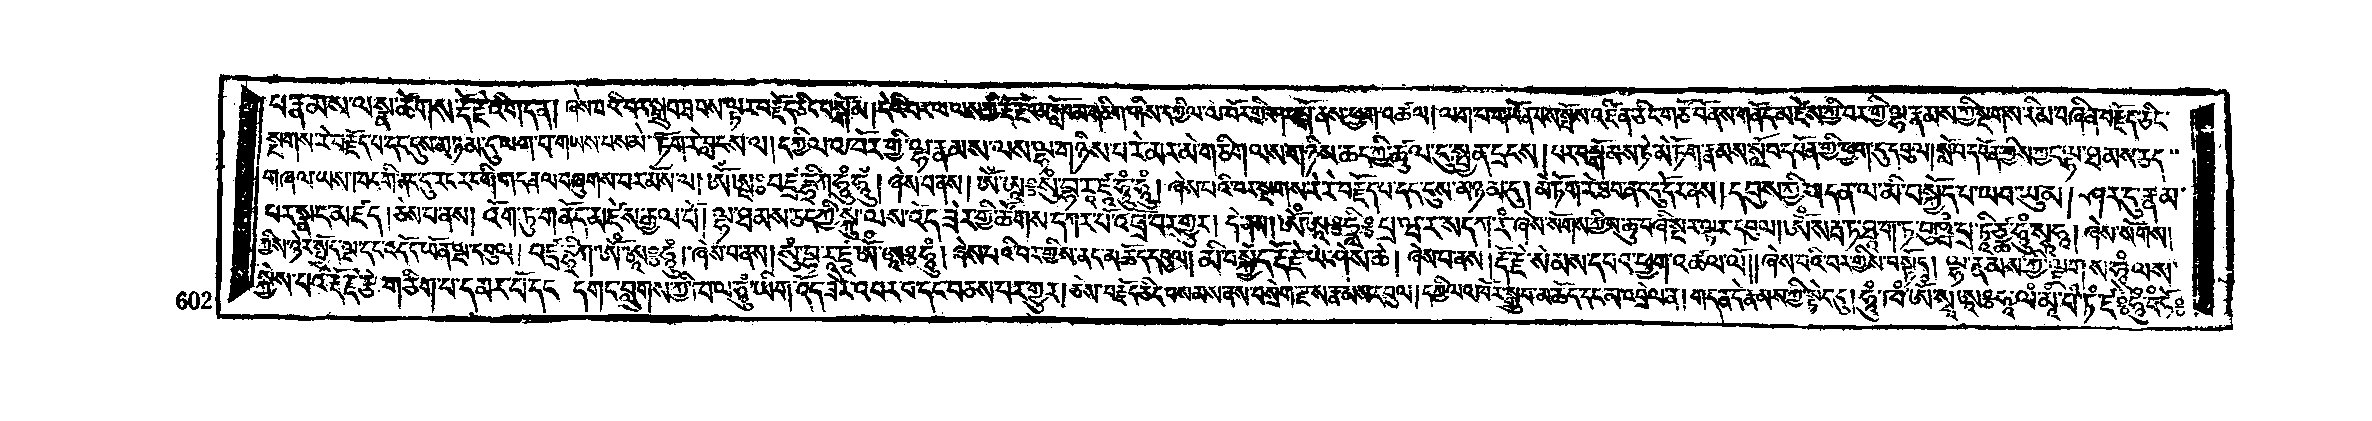པ་རྣམས་ལ་སྣ་ཚོགས་རྡོ་རྗེའི་གདན། ཞེས་པའི་བར་སྒྲུབ་ཐབས་ལྟར་བརྗོད་ཅིང་བསྒོམ། དེའི་བར་ལ་ལས་ཀྱི་རྡོ་རྗེའམ་སློབ་མ་གཅིག་གིས་དཀྱིལ་འཁོར་གྱི་ཤར་སྒོ་ནས་ཕྱག་འཚལ། ལག་པ་གཡོན་པས་སྤོས་འཛིན་ཅིང་གཙོ་བོ་ནས་གནོད་མཛེས་ཀྱི་བར་གྱི་ལྷ་རྣམས་ཀྱི་སྔགས་རིམ་བཞིན་བརྗོད་ཅིང་།
སྔགས་རེ་བརྗོད་པ་དང་དུས་མཉམ་དུ་ལག་པ་གཡས་པས་མེ་ཏོག་རེ་བླངས་ལ། དཀྱིལ་འཁོར་གྱི་ལྷ་རྣམས་ལས་ལྷ་གཉིས་པ་མར་མེ་གཅིག་ལས་གཉིས་ཆད་ཀྱི་ཚུལ་དུ་སྤྱན་དྲངས་བར་བསྒོམ་ཏེ་མེ་ཏོག་རྣམས་སློབ་དཔོན་གྱི་ཕྱག་དུ་དབུལ། སློབ་དཔན་གྱིས་ཀྱང་ལྷ་ཐམས་ཅད་
གཞལ་ཡས་ཁང་གི་ནང་དུ་རང་རང་གི་གདན་ལ་བཞུགས་པར་མོས་ལ། ཨོཾ་ཨཱཿ བྫྲ་དྷྲིཀ་ཧཱུཾ་ཧཱུཾ། ཞེས་པ་ནས། ཨོཾ་ཨཱཿ སུཾ་བྷ་རཱ་ཛཱ་ཧཱུཾ་ཧཱུཾ། ཞེས་པའི་བར་སྔགས་རེ་རེ་བརྗོད་པ་དང་དུས་མཉམ་དུ། མེ་ཏོག་རེ་ཐབ་ནང་དུ་དོར་ནས། དབུས་ཀྱི་གདན་ལ་མི་བསྐྱེད་པ་ཡབ་ཡུམ། ཤར་དུ་རྣམ་
པར་སྣང་མཛད། ཅེས་པ་ནས། འོག་ཏུ་གནོད་མཛེས་རྒྱལ་པོ། ལྷ་ཐམས་ཅད་ཀྱི་སྐུ་ལས་འོད་ཟེར་གྱི་ཚོགས་དཀར་པོ་འཕྲོ་བར་གྱུར། དེ་ནས།ཨོཾ་ཨཱཿ ཧྲཱི༑ པྲ་ཝ་ར་སད་ཀ་རེཾ་ཞེས་སོགས་ཀྱིས་ཆུ་བཞི་སྔར་ལྟར་དབུལ། ཨོཾ་སྲྦ་ཏ་ཐཱ་ག་ཏ་བུསཥཔཾཨ་པྲ་ཏཱི་ཙཚ་ཧཱུཾ་སVའ་ཧཱ། ཞེས་སོགས།
ཀྱིས་ཉེར་སྤྱོད་ལྔ་དང་འདོད་ཡོན་ལྔ་དབུལ། བྫྲ་དྷྲིཀ་ཨོཾ་ཨཱཿ ཧཱུཾ། ཞེས་པ་ནས། སུཾ་བྷ་རཱ་ཛཱ་ཨོཾ་ཨཱཿ ཧཱུཾ། ཞེས་པའི་བར་གྱིས་ནང་མཆོད་དབུལ། མི་བསྐྱེད་རྡོ་རྗེ་ཡེ་ཤེས་ཆེ། ཞེས་པ་ནས། རྡོ་རྗེ་སེམས་དཔའ་ཕྱག་འཚལ་ལོ། ། ཞེས་པའི་བར་གྱིས་བསྟོད། ལྷ་རྣམས་ཀྱི་ལྗགས་ཧཱུཾ་ལས་
སྐྱེས་པའི་རྡོ་རྗེ་རྩེ་གཅིག་པ་དམར་པོ་དང་། དགང་བླུགས་ཀྱི་ཁ་ལ་ཧཱུཾ་ཡིག་འོད་ཟེར་འབར་བ་དང་བཅས་པར་གྱུར། ཅེས་བརྗོད་ཅིང་བསམ་ནས་བསྲེག་རྫས་རྣམས་དབུལ། དཀྱིལ་འཁོར་སྒྲུབ་མཆོད་དང་མ་འབྲེལ་ན། གདན་དེ་རྣམས་ཀྱི་སྟེང་དུ། {ཧཱུཾ་ཁཾཨ་ཨོཾ་སVའ་ཨཱཿ ཧཱ་ལཾཨ་མའཾཨ་བཾཨ་ཏཾཨ་ཛཿ ཧཱུཾ་བཾཨ་ཧོཿ